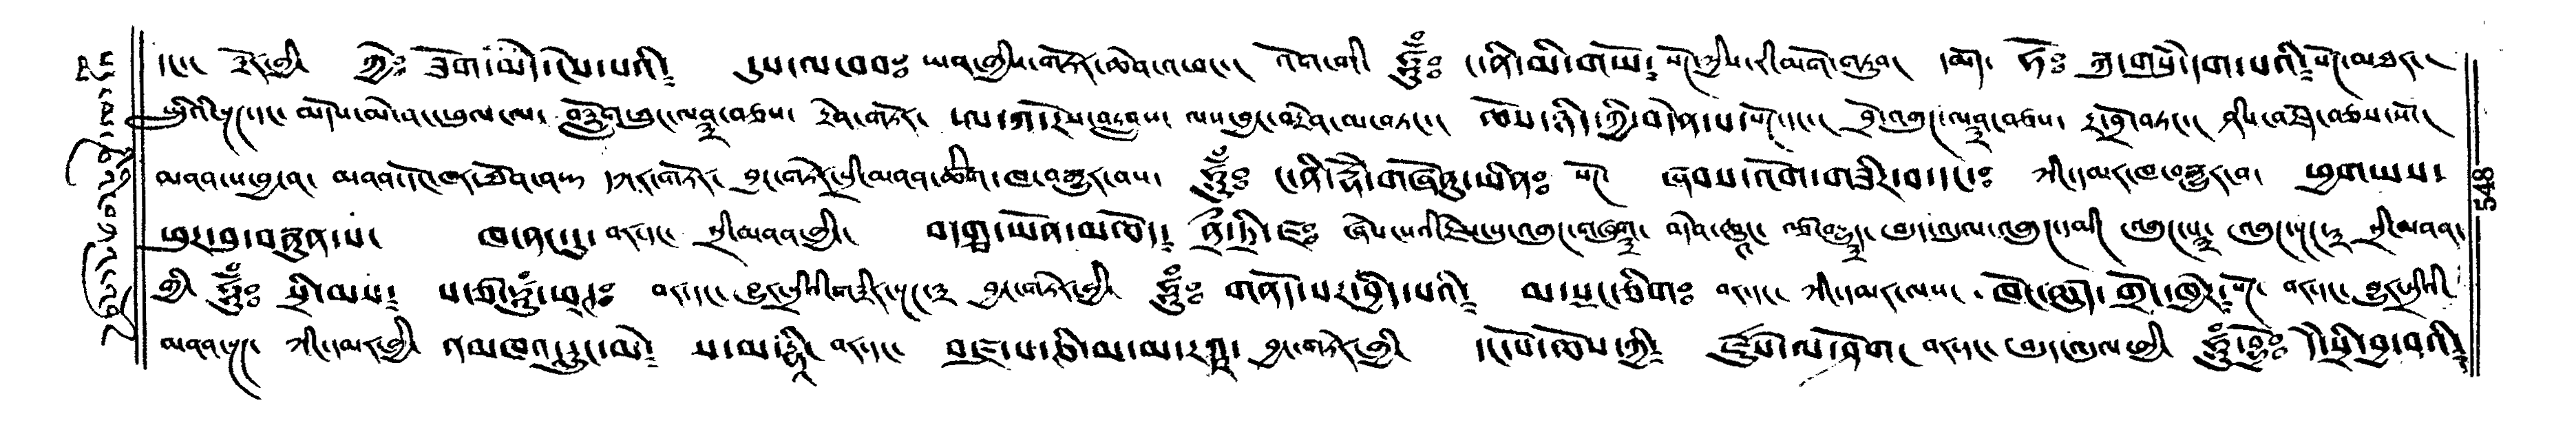དང་། ཟོར་གྱི། ཀྱེ༔ ཟག་མེད་ངེས་པའི༴ དུས་ལ་བབཿ ཡན་གྱིས་གཏོར་ཆེན་འཕང་། འོག་གི ཧཱུྃ༔ ང་ནི་མི་གཡོ༴ སོགས་ཀྱིས་རི་མགོ་གཏུབ། དམོད། ཧོཿ སྐུ་གསུམ་དག་པའི༴ སོགས་མཐར། 
སྤུ་གྲིའི་སྔགས་དང་མདོས་མེ་ནང་ཕུལ་ལ། བཟློག་ཐུང་ལན་གསུམ་བཅས། རྟེན་གཏོར། ཨ་ཀ་རོས་བརླབ། ལས་བྱང་བརྟན་མ་གཏང་། ཆོས་ཉིད་ཀྱི་བདེན་པ༴ སོགས་དང་། བྲོ་འགུགས་ལན་གསུམ་བཅས། རྟ་བྲོ་གཏང། ཤིས་བརྗོད་བཅས་སོ། 
མནན་པ་བྱ་ན། མནན་དོང་ཁར་ཐོན་ནས། དཀར་གཏོར། བྱང་གཏོར་སྲི་མནན་ཚིག་ཁ་བསྒྱུར་བས། ཧཱུྃ༔ ང་ནི་རྡོ་རྗེ་གཞོན་ནུ་ཡིན༴ སོགས། ཞབས་འོག་གཟིར་བ་དང་ཿ ཀིང་དམར་ཁ་བསྒྱུར་བ། ཕྱག་གཡས་
ཕུར་བུ་བསྣུན་པ༴ ཁ་ནང་དུ༴ བར་དང་། སྲི་མནན་གྱི། བདག་ཅག་ཡོན་མཆོད༴ ནྲྀ་ཏྲི་ཛཿ ཞེས་པའི་རྗེས་སུ་འགུགས་གཞུག་གསུམ། བདེན་ཆུང་བཞི། བདུད་འདུལ་འགུགས་དམིགས། འགུགས་པ་གསུམ། སྲི་མནན་
གྱི། ཧཱུྃ༔ སྲི་མས༴ པ་ཙ་ཧཱུཾ་ཕཊཿ བར་དང་། བྱུར་སྲིའི་གཟིར་སྔགས་གསུམ། བྱང་གཏེར་གྱི། ཧཱུྃ༔ གནོད་པར་བྱེད་པའི༴ མ་སྡང་ཞིགཿ བར་དང་། ཀིང་དམར་ལས། ཁོང་ཚུད༴ནས་གྲོང་ཁྱེར༴ སོགས། བར་དང་། བྱུར་སྲིའི་
མནན་སྔགས། ཀིང་དམར་གྱི། ནམ་མཁའ་རླུང་མེ༴ ས་མ་དྡྷཱི༔ས བར་དང་། བཛྲ་པ་ཎི་མ་མ་རཀྵ། བྱང་གཏེར་གྱི། དང་པོ་ཆོས་ཀྱི༴ རྫུས་ལ་ཤོག༔ བར་དང་། བདུད་འདུལ་གྱི། ཧཱུྃ་བྷྱོ༔ དམ་སྲི་བྱ་བའི༴